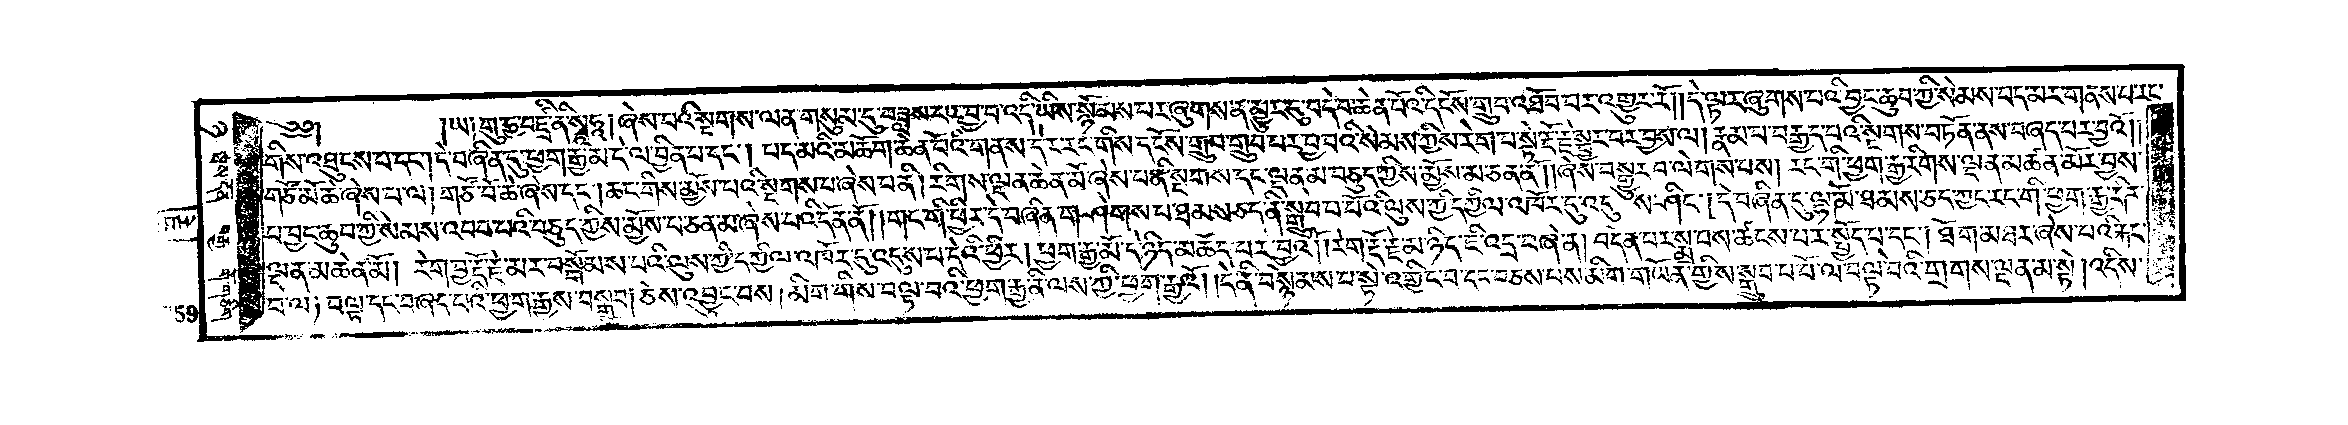༄༅། །ཡ། གུ་ཧྱ་བཛྲི་ནི་སྭཱཧཱ། ཞེས་པའི་སྔགས་ལན་གསུམ་དུ་བཟླས་པར་བྱ་བ་འདི་ཡིས་སྙོམས་པར་ཞུགས་ན་མྱུར་དུ་བདེ་བ་ཆེན་པོའི་དངོས་གྲུབ་འཐོབ་པར་འགྱུར་རོ། །དེ་ལྟར་ཞུགས་པའི་བྱང་ཆུབ་ཀྱི་སེམས་པད་མར་གནས་པ་རང་
གིས་འཐུངས་པ་དང་། དེ་བཞིན་དུ་ཕྱག་རྒྱ་མ་དེ་ལ་བྱིན་པ་དང་། པད་མའི་མཆོག་ཆེན་པོའི་གནས་དེར་རང་གིས་དངོས་གྲུབ་གྲུབ་པར་བྱ་བའི་སེམས་ཀྱིས་རེག་པ་སྟེ་རྡོ་རྗེ་སྦྱར་བར་བྱས་ལ། རྣམ་པ་བརྒྱད་པའི་སྔགས་བཏོན་ནས་བཞད་པར་བྱའོ། །
གཙོ་མོ་ཆེ་ཞེས་པ་ལ། གཙོ་བོ་ཆེ་ཞེས་དང་། ཆང་གིས་མྱོས་པའི་སྔགས་པ་ཞེས་པ་ནི། རིགས་ལྡན་ཆེན་མོ་ཞེས་པ་ནི་སྔགས་དང་ལྡན་མ་བཅུད་ཀྱིས་མྱོས་མ་ཅན་ནོ། །ཞེས་བསྒྱུར་བ་ལེགས་པས། རང་གི་ཕྱག་རྒྱ་རིགས་ལྡན་མཚན་མོར་བྱས་
པ་བྱང་ཆུབ་ཀྱི་སེམས་འབབ་པའི་བཅུད་ཀྱིས་མྱོས་པ་ཅན་མ་ཞེས་པའི་དོན་ནོ། །གང་གི་ཕྱིར་དེ་བཞིན་གཤེགས་པ་ཐམས་ཅད་ནི་སྒྲུབ་པ་པོའི་ལུས་ཀྱི་དཀྱིལ་འཁོར་དུ་འདུས་ཤིང་། དེ་བཞིན་དུ་ལྷ་མོ་ཐམས་ཅད་ཀྱང་རང་གི་ཕྱག་རྒྱ་རིགས་
ལྡན་མཆེན་མོ། རེག་བྱ་རྡོ་རྗེ་མར་བསྒོམས་པའི་ལུས་ཀྱི་དཀྱིལ་འཁོར་དུ་འདུས་པ་དེའི་ཕྱིར། ཕྱག་རྒྱ་མོ་དེ་ཉིད་མཆོད་པར་བྱའོ། །རེག་རྡོ་རྗེ་མ་ཉིད་ཇི་འདྲ་བ་ཞེ་ན། བདེན་པར་སྨྲ་བས་ཚངས་པར་སྤྱོད་པ་དང་། ཐོག་མཐར་ཞེས་པའི་རྐང་
བ་ལ། བལྟ་དང་བཞད་པའི་ཕྱག་རྒྱས་བསྒྲུབ། ཅེས་འབྱུང་བས། མིག་གིས་བལྟ་བའི་ཕྱག་རྒྱ་ནི་ལས་ཀྱི་ཕྱག་རྒྱའོ། །དེ་ནི་བསྙེམས་པ་སྟེ་འགྱིང་བ་དང་བཅས་པས་མིག་གཡོན་གྱིས་སྒྲུབ་པ་པོ་ལ་བལྟ་བའི་གྲགས་ལྡན་མ་སྟེ། འདིས་